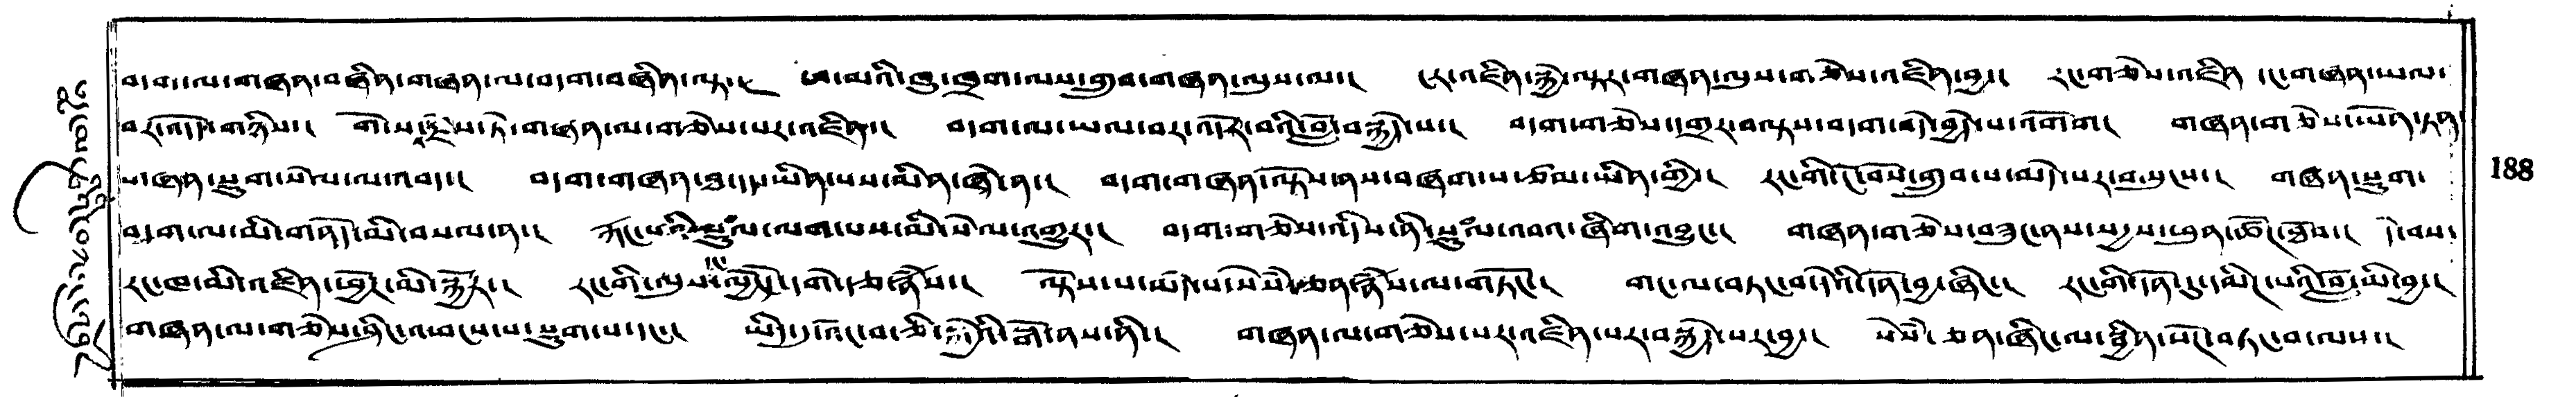བདག་ལ་གཞན་བཞིན་གཞན་ལ་བདག་བཞིན་ལྟ། །ཕ་མའི་ཁུ་ཁྲག་ལས་གྲུབ་གཞན་ལུས་ལ། །ངར་འཛིན་སྐྱེ་ལྟར་གཞན་ལུས་གཅེས་འཛིན་བྱ། །རང་གཅེས་འཛིན་དང་གཞན་ཡལ་
བར་འདོད་གཉིས། །གོ་ས་བརྗེས་ཏེ་གཞན་ལ་གཅེས་པར་འཛིན། །བདག་ལ་ཡལ་བར་འདོར་བའི་བློ་བསྐྱེད་པ། །བདག་གཅེས་དགྲར་བལྟས་བདག་བདེ་བྱེད་པ་འགོག །གཞན་གཅེས་ཡོན་ཏན་
གཞན་སྡུག་སེལ་ལ་འབད། །བདག་གཞན་ཐ་དད་ཡིན་པས་མིན་ཞེ་ན། །བདག་གཞན་ལྟོས་ནས་བཞག་པ་ཙམ་ཡིན་གྱི། །རང་གི་ངོ་བོས་གྲུབ་པ་མེད་པར་གསུངས། །གཞན་སྡུག་
བདག་ལ་མི་གནོད་མི་བསལ་ན། །རྐང་པའི་སྡུག་བསྔལ་ལག་པས་མི་སེལ་འགྱུར། །བདག་གཅེས་འདིས་ནི་སྡུག་བསྔལ་འབའ་ཞིག་འབྱུང་། །གཞན་གཅེས་བཟུང་ནས་སངས་རྒྱས་ཕུན་ཚོགས་ཐོབ། །དེ་བས་
རང་ཁ་མི་འཛིན་ཕྱོགས་མི་སྐྱོར། །རང་གི་ལུས་དང་ལོངས་སྤྱོད་དགེ་རྩ་རྣམས། །ལྟོས་པ་མེད་པར་སེམས་ཅན་རྣམས་ལ་གཏོང་། །གང་ལ་བཏང་བ་དེ་ཡི་དོན་བྱ་ཞིང་། །རང་གི་དོན་དུ་དམིགས་པའི་བློ་མི་བྱ། །
གཞན་ལ་གཅེས་ཤིང་འཕངས་པ་སྡུག་པ་དང་། །ཡིད་དུ་འོང་བ་ཅི་སྐྱེའི་སྒོ་ནས་ནི། །གཞན་ལ་གཅེས་པར་འཛིན་པ་བསྐྱེད་པར་བྱ། །སེམས་ཅན་ཞིང་ལ་སྦྱིན་སོགས་བཏང་བ་ལས།